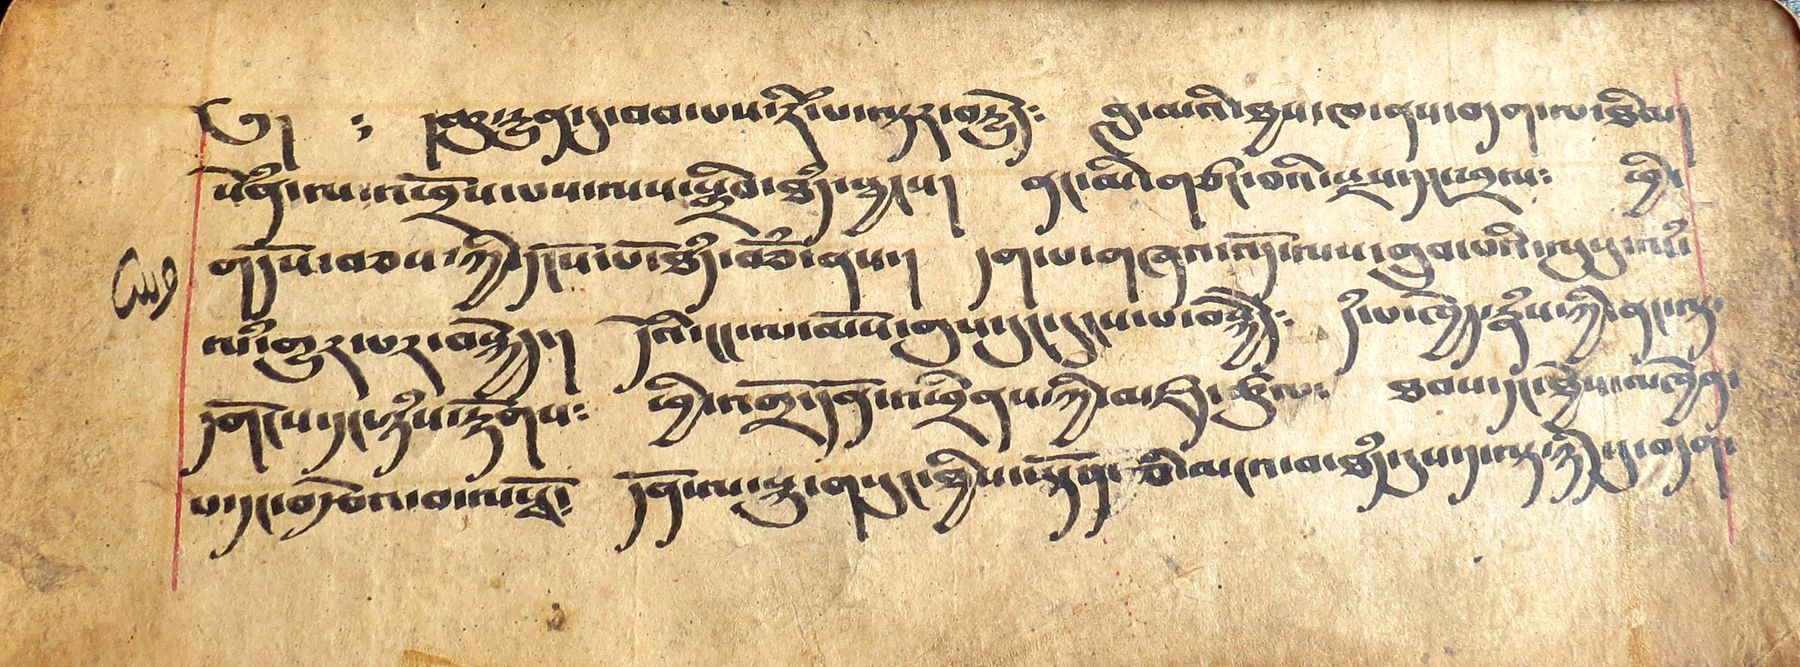ཆུ་རྒྱུན་བབས་པའི་རིམ་པ་ལྟར་བརྒྱུད་དེ། བླ་མའི་ཐུགས་ཀ་ནས་བདག་ལ་ཐིམ། 
སེམས་ཅན་ཀུན་ལ་འཕྲོས་པས། ལས་སྒྲིབ་ཐམས་ཅད་སྦྱངས། ནང་མི་གཙང་བའི་རྫས་དང་བྲལ། ཕྱི་
གདོས་བཅས་ཀྱི་དངོས་པོ་ཐམས་ཅད་བཅོམ་སྟེ། དག་པ་གཞའ་འོད་དུ་གྲུབ་པའི་ལུས་སུ་ལམ་
ལམ་གྱུར་པར་བསྐྱེད། དེའི་ངང་ལས་ཡང་མོས་གུས་དུང་དུང་བ་བསྐྱེད། དམ་པ་ཁྱེད་རྣམས་ཀྱིས། ནང་ལྟ་
དགོངས་ཉམས་རྟོགས། ཕྱི་འགྲོ་དོན་གྱི་འཕྲིན་ལས་མཛད་ཚུལ། ཐབས་དང་ཐུགས་རྗེ། མཁྱེན་
པ་བརྩེ་བ་ལ་སོགས་ཏེ། དོན་ལ་སྐུ་གསུང་ཐུགས་ཀྱི་ཡོན་ཏན་ཅི་མངའ་བ་ཐམས་ཅད་དུས་ད་ལྟ་ཉིད་དུ་བདག་